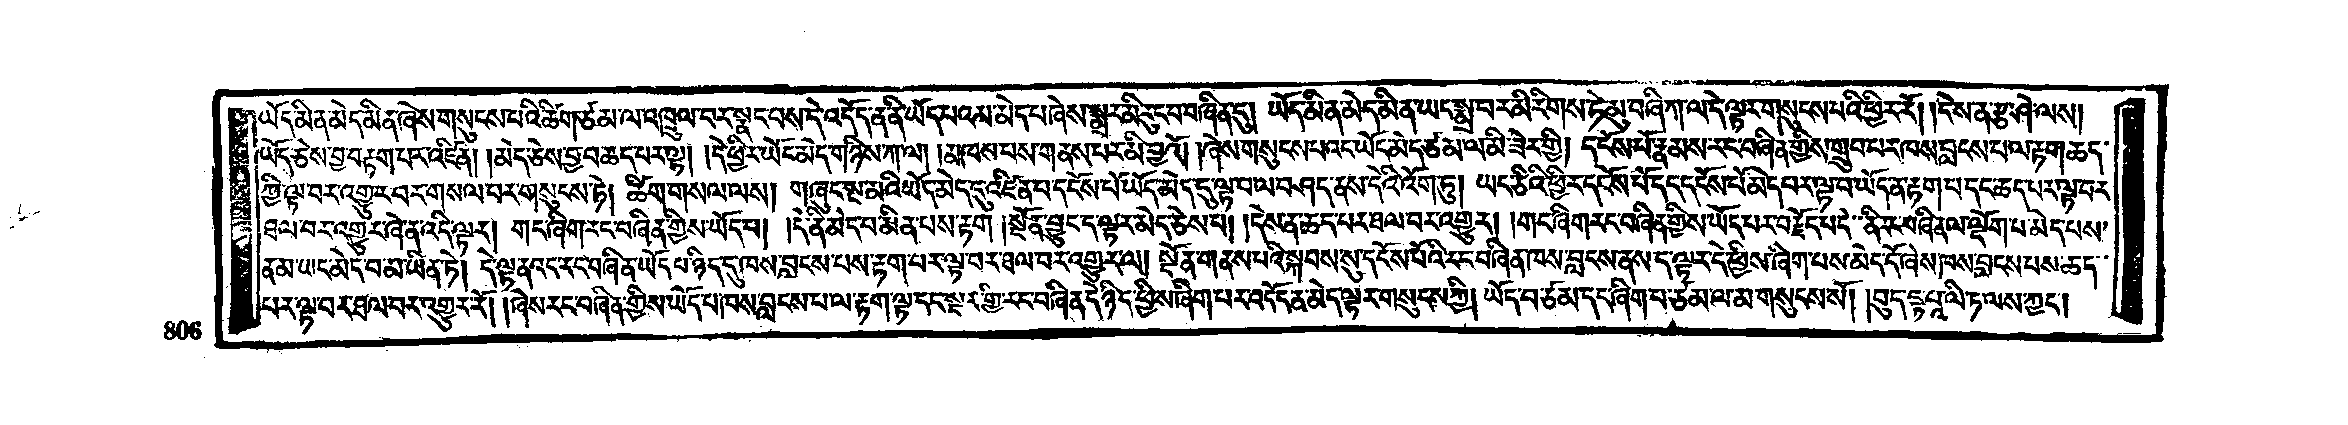ཡོད་མིན་མེད་མིན་ཞེས་གསུངས་པའི་ཚིག་ཙམ་ལ་འཁྲུལ་བར་སྣང་བས་དེ་འདོད་ན་ནི་ཡོད་པའམ་མེད་པ་ཞེས་སྨྲར་མི་རུང་བ་བཞིན་དུ། ཡོད་མིན་མེད་མིན་ཡང་སྨྲ་བར་མི་རིགས་ཏེ་མུ་བཞི་ཀ་ལ་དེ་ལྟར་གསུངས་པའི་ཕྱིར་རོ། །དེས་ན་རྩ་ཤེ་ལས།
ཡོད་ཅེས་བྱ་བ་རྟག་པར་འཛིན། །མེད་ཅེས་བྱ་བ་ཆད་པར་ལྟ། །དེ་ཕྱིར་ཡོད་མེད་གཉིས་ཀ་ལ། །མཁས་པས་གནས་པར་མི་བྱའོ། །ཞེས་གསུངས་པའང་ཡོད་མེད་ཙམ་ལ་མི་ཟེར་གྱི། དངོས་པོ་རྣམས་རང་བཞིན་གྱིས་གྲུབ་པར་ཁས་བླངས་པ་ལ་རྟག་ཆད་
ཀྱི་ལྟ་བར་འགྱུར་བར་གསལ་བར་གསུངས་ཏེ། ཚིག་གསལ་ལས། གཞུང་སྔ་མའི་ཡོད་མེད་དུ་འཛིན་པ་དངོས་པོ་ཡོད་མེད་དུ་ལྟ་བ་ལ་བཤད་ནས་དེའི་འོག་ཏུ། ཡང་ཅིའི་ཕྱིར་དངོས་པོ་དང་དངོས་པོ་མེད་པར་ལྟ་བ་ཡོད་ན་རྟག་པ་དང་ཆད་པར་ལྟ་བར་
ཐལ་བར་འགྱུར་ཞེ་ན་འདི་ལྟར། གང་ཞིག་རང་བཞིན་གྱིས་ཡོད་པ། །དེ་ནི་མེད་པ་མིན་པས་རྟག །སྔོན་བྱུང་ད་ལྟར་མེད་ཅེས་པ། །དེས་ན་ཆད་པར་ཐལ་བར་འགྱུར། །གང་ཞིག་རང་བཞིན་གྱིས་ཡོད་པར་བརྗོད་པ་དེ་ནི་རང་བཞིན་ལ་ལྡོག་པ་མེད་པས་
ནམ་ཡང་མེད་པ་མ་ཡིན་ཏེ། དེ་ལྟ་ནའང་རང་བཞིན་ཡོད་པ་ཉིད་དུ་ཁས་བླངས་པས་རྟག་པར་ལྟ་བར་ཐལ་བར་འགྱུར་ལ། དངོན་གནས་པའི་སྐབས་སུ་དངོས་པོའི་རང་བཞིན་ཁས་བླངས་ནས་ད་ལྟར་དེ་ཕྱིས་ཞིག་པས་མེད་དོ་ཞེས་ཁས་བླངས་པས་ཆད་
པར་ལྟ་བར་ཐལ་བར་འགྱུར་རོ། །ཞེས་རང་བཞིན་གྱིས་ཡོད་པ་ཁས་བླངས་པ་ལ་རྟག་ལྟ་དང་སྔར་གྱི་རང་བཞིན་དེ་ཉིད་ཕྱིས་ཞིག་པར་འདོད་ན་མེད་ལྟར་གསུངས་ཀྱི། ཡོད་པ་ཙམ་དང་ཞིག་པ་ཙམ་ལ་མ་གསུངས་སོ། །བུད་དྷ་?་པཱ་ལི་ཏ་ལས་ཀྱང་།